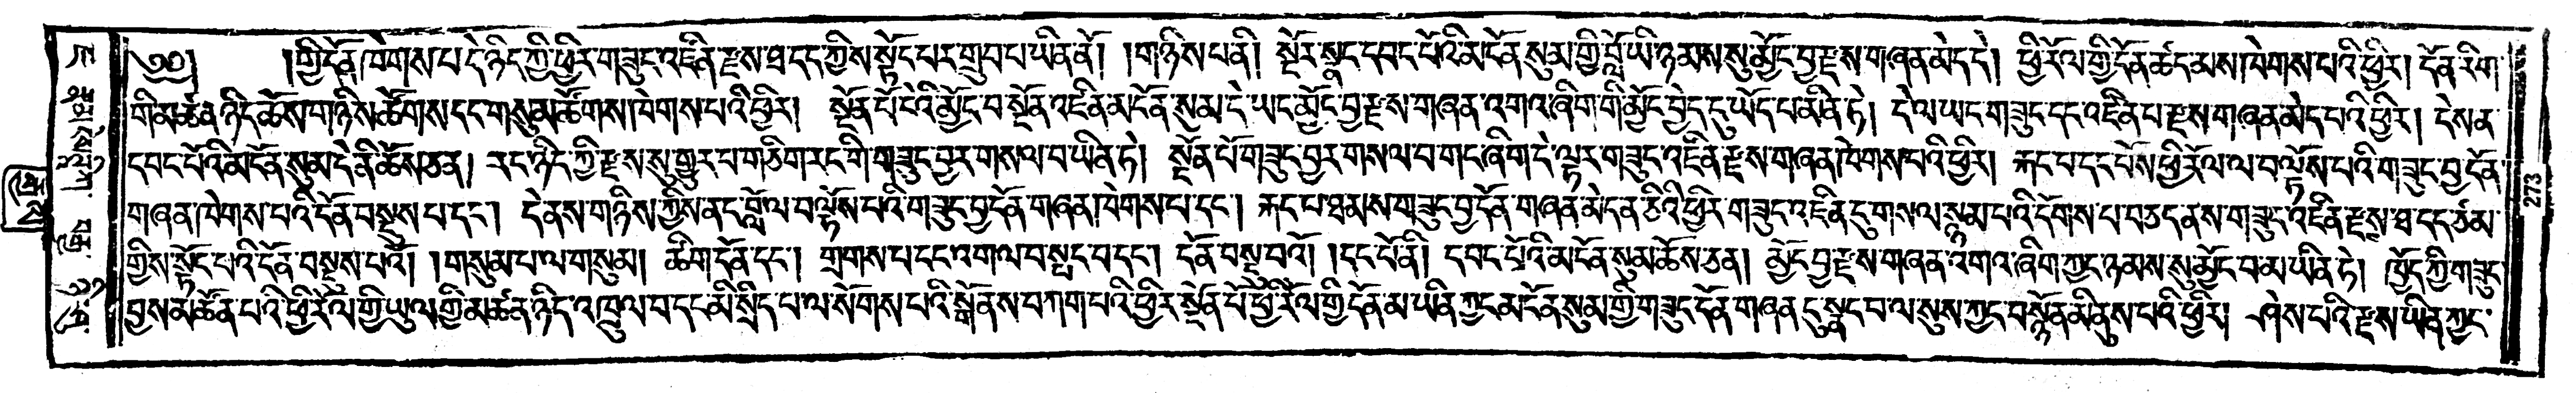༄༅། །གྱི་དོན་ཁེགས་པ་དེ་ཉིད་ཀྱི་ཕྱིར་གཟུང་འཛིན་རྫས་ཐ་དད་ཀྱིས་སྟོང་པར་གྲུབ་པ་ཡིན་ནོ། །གཉིས་པ་ནི། སྔོར་སྣང་དབང་པོའི་མངོན་སུམ་གྱི་བློ་ཡི་ཉམས་སུ་མྱོང་བྱ་རྫས་གཞན་མེད་དེ། ཕྱི་རོལ་གྱི་དོན་ཚད་མས་ཁེགས་པའི་ཕྱིར། དོན་རིག་
གི་མཚན་ཉིད་ཆོས་གཉིས་ཚོགས་དང་གསུམ་ཚོགས་ཁེགས་པའི་ཕྱིར། སྔོན་པོ་དེའི་མྱོང་བ་སྔོན་འཛིན་མངོན་སུམ་དེ་ཡང་མྱོང་བྱ་རྫས་གཞན་འགའ་ཞིག་གི་མྱོང་བྱེད་དུ་ཡོད་པ་མིན་ཏེ། དེ་ལ་ཡང་གཟུང་དང་འཛིན་པ་རྫས་གཞན་མེད་པའི་ཕྱིར། དེས་ན་
དབང་པོའི་མངོན་སུམ་དེ་ནི་ཆོས་ཅན། རང་ཉིད་ཀྱི་རྫས་སུ་གྱུར་པ་གཅིག་རང་གི་གཟུང་བྱར་གསལ་བ་ཡིན་ཏེ། སྔོན་པོ་གཟུང་བྱར་གསལ་བ་གང་ཞིག་དེ་ལྟར་གཟུང་འཛིན་རྫས་གཞན་ཁེགས་པའི་ཕྱིར། རྐང་པ་དང་པོས་ཕྱི་རོལ་ལ་བལྟོས་པའི་གཟུང་བྱ་དོན་
གཞན་ཁེགས་པའི་དོན་བསྡུས་པ་དང་། དེ་ནས་གཉིས་ཀྱིས་ནང་བློ་ལ་བལྟོས་པའི་གཟུང་བྱ་དོན་གཞན་ཁེགས་པ་དང་། རྐང་པ་ཐམས་གཟུང་བྱ་དོན་གཞན་མེད་ན་ཅིའི་ཕྱིར་གཟུང་འཛིན་དུ་གསལ་སྙམ་པའི་དོགས་པ་བཅད་ནས་གཟུང་འཛིན་རྫས་ཐ་དད་ཙམ་
གྱིས་སྟོང་པའི་དོན་བསྡུས་པའོ། །གསུམ་པ་ལ་གསུམ། ཚིག་དོན་དང་། གྲགས་པ་དང་འགལ་བ་སྤང་བ་དང་། དོན་བསྡུ་བའོ། །དང་པོ་ནི། དབང་པོའི་མངོན་སུམ་ཆོས་ཅན། མྱོང་བྱ་རྫས་གཞན་འགའ་ཞིག་ཀྱང་ཉམས་སུ་མྱོང་བ་མ་ཡིན་ཏེ། ཁྱོད་ཀྱི་གཟུང་
བྱས་མཚོན་པའི་ཕྱི་རོལ་གྱི་ཡུལ་གྱི་མཚན་ཉིད་འཁྲུལ་བ་དང་མི་སྲིད་པ་ལ་སོགས་པའི་སྒོ་ནས་བཀག་པའི་ཕྱིར་སྔོན་པོ་ཕྱི་རོལ་གྱི་དོན་མ་ཡིན་ཀྱང་མངོན་སུམ་གྱི་གཟུང་དོན་གཞན་དུ་སྣང་བ་ལ་སུས་ཀྱང་བསྙོན་མི་ནུས་པའི་ཕྱིར། ཤེས་པའི་རྫས་ཡིན་ཀྱང་